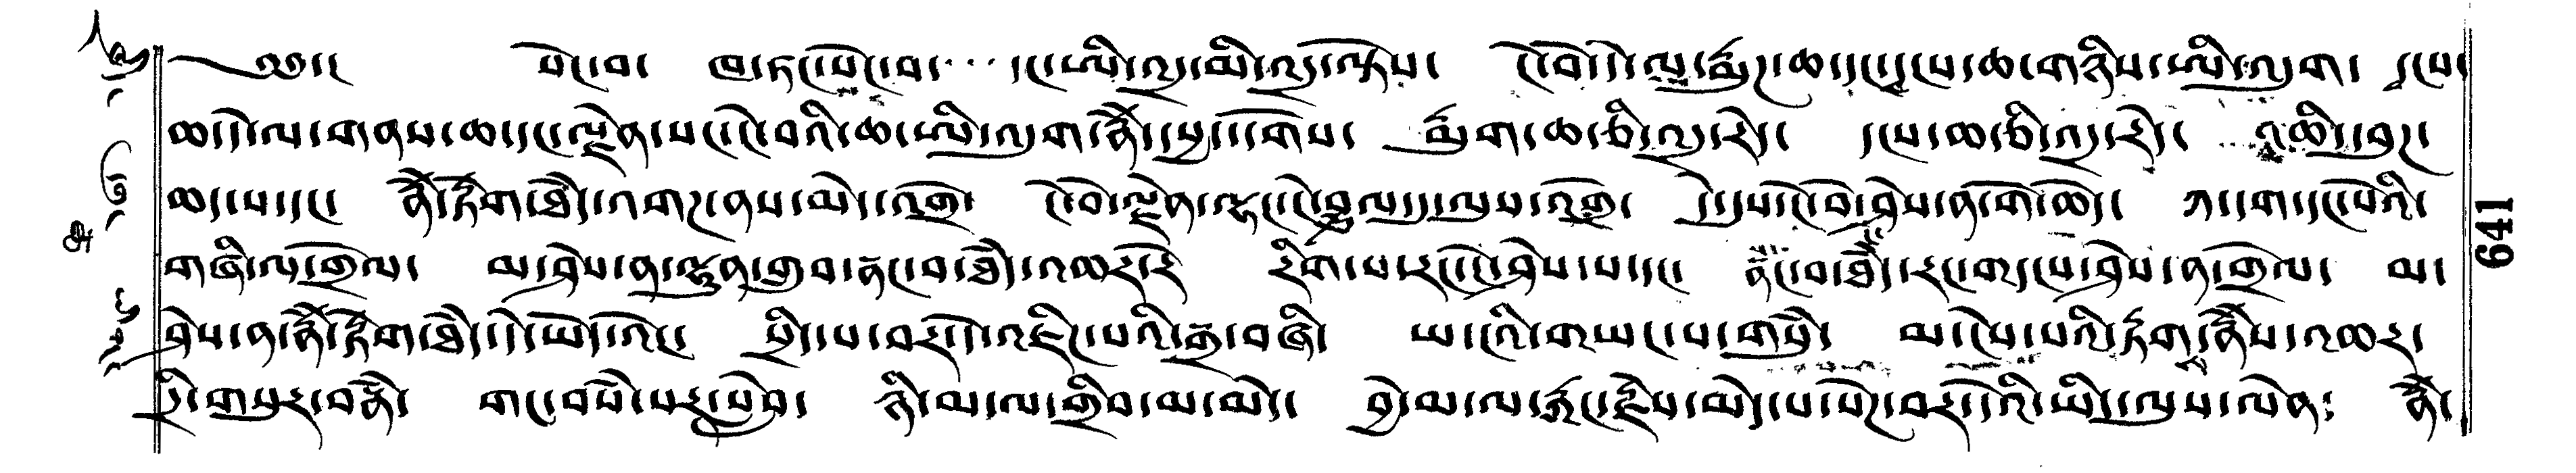སོང་བ། ཁ་ཧོན་སོང་བ་དང་ཨི་འདྲ་མི་འདྲ་ལྟོས། ངོ་བོ་དེ་ལ་རྨུགས་ཆ་དང་དྭངས་ཆ་གཉིས་ཨི་འདུག དྭངས་
ཆ་དེ་ལ་གནས་ཆ་དང་ལྗེན་སང་ངེ་བའི་ཆ་ཨི་འདུག་རྣམས་དཔྱད་དགོས། རྨུགས་ཆ་ཅི་འདྲ་རེད། དངས་ཆ་ཅི་འདྲ་རེད། འཆི་དབུགས་
ཆད་པ་དང་ རྣམ་རྟོག་ཐམས་ཅད་འགགས་ནས་མེད་འགྲོ ངོ་བོ་རྗེན་ལྷང་ངེ་ཤུལ་དུ་ལུས་འགྲོ དེ་དུས་ངོ་བོ་ངོ་ཤེས་ན་གོ་ཆོད། ཀ་དག་དང་པོའི་
གཞི་ལ་གྲོལ། མ་ཤེས་ན་ལྷུན་གྲུབ་ཀྱི་སྣང་བ་ཐམས་ཅད་འཆར་རོ། རིག་པ་རང་ངོ་ཤེས་པ་དང་། སྣང་བ་ཐམས་ཅད་རང་གདངས་སུ་ཤེས་ན་གྲོལ། མ་
ཤེས་ན་རྣམ་རྟོག་ཐམས་ཅད་དེ་ཡོད་འོང་། སྲིད་པ་བར་དོར་འཇིགས་པའི་སྒྲ་བཞི། ཡ་ངའི་གཡང་ས་གསུམ། མ་ངེས་པའི་རྟགས་རྣམས་འཆར། 
དྲི་གསུར་བསྣམ། གང་བསམ་པར་སླེབ། ཉི་མ་ལ་གྲིབ་མ་མེད། བྱེ་མ་ལ་རྐང་རྗེས་མེད་པ་སོགས་པ་དེའི་ཡིད་ལུས་ལེན། རྣམ་